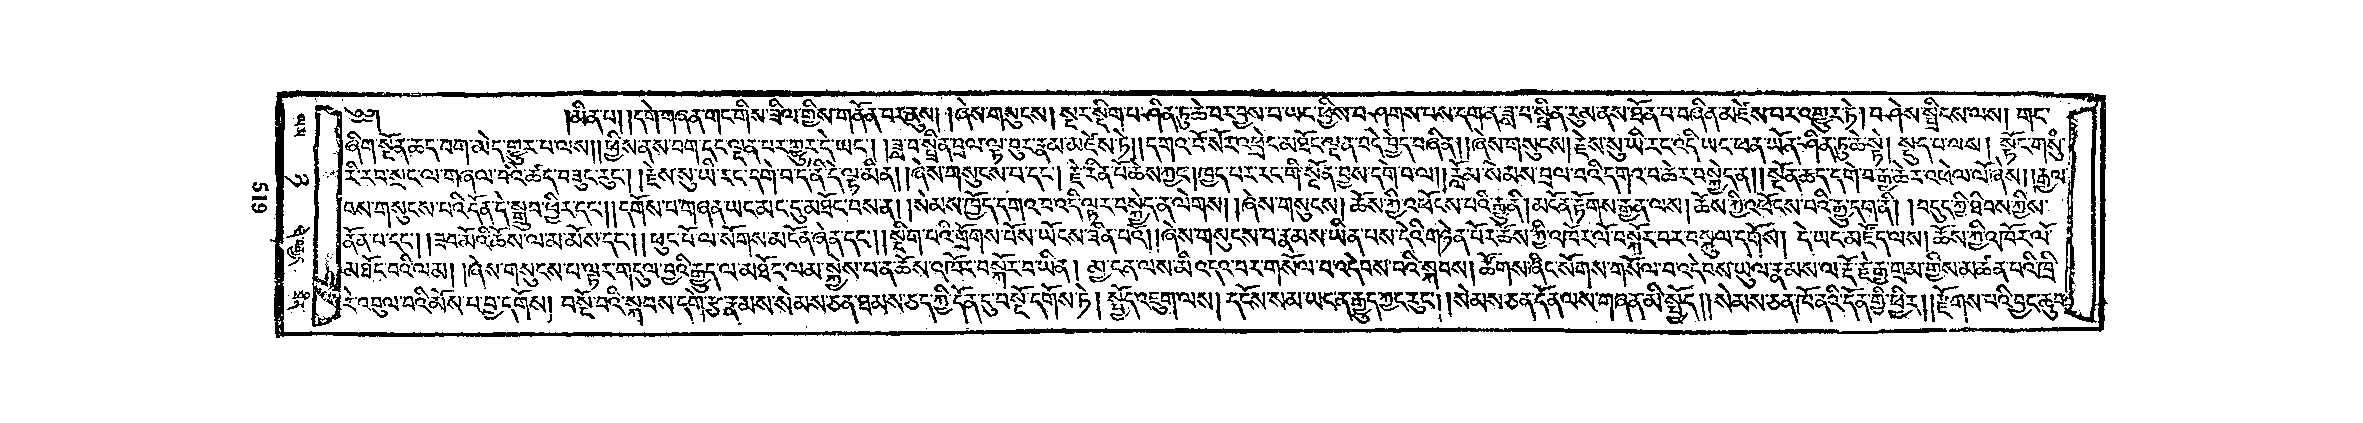༄༅། །མིན་པ། །དགེ་གཞན་གང་གིས་ཟིལ་གྱིས་གནོན་པར་ནུས། །ཞེས་གསུངས། སྔར་སྡིག་པ་ཤིན་ཏུ་ཆེ་བར་བྱས་པ་ཡང་ཕྱིས་བཤགས་པས་དག་ན་ཟླ་བ་སྤྲིན་རུམ་ནས་ཐོན་པ་བཞིན་མཛེས་པར་འགྱུར་ཏེ། བཤེས་སྤྲིངས་ལས། གང་
ཞིག་སྔོན་ཆད་བག་མེད་གྱུར་པ་ལས། །ཕྱིས་ནས་བག་དང་ལན་པར་གྱུར་དེ་ཡང་། །ཟླ་བ་སྤྲིན་བྲལ་ལྟ་བུར་རྣམ་མཛེས་ཏེ། །དགའ་བོ་སོར་འཕྲེང་མཐོང་ལྡན་བདེ་བྱེད་བཞིན། །ཞེས་གསུངས། རྗེས་སུ་ཡི་རང་འདི་ཡག་ཕ་ཡོན་ཤིན་ཏུ་ཆེ་སྟེ། སྡུད་པ་ལས། སྟོང་གསུམ་
རི་རབ་སྲང་ལ་གཞལ་བའི་ཚད་བཟུང་རུང་། །རྗེས་སུ་ཡི་རང་དགེ་བ་དེ་ནི་དེ་ལྟ་མིན། །ཞེས་གསུངས་པ་དང་། རྗེ་རིན་པོ་ཆེས་ཀྱང་། ཁྱད་པར་རང་གི་སྔོན་བྱས་དགེ་བ་ལ། །རློམ་སེམས་བྲལ་བའི་དགའ་བ་ཆེར་བསྐྱེད་ན། །སྔོན་ཆད་དགེ་བ་རྒྱ་ཆེར་འཕེལ་ལོ་ཞེས། །རྒྱལ་
བས་གསུངས་པའི་དོན་དེ་སྒྲུབ་ཕྱིར་དང་། །དགོས་པ་གཞན་ཡང་མང་དུ་མཐོང་བས་ན། །སེམས་ཁྱོད་དགའ་བ་འདི་ལྟར་བསྐྱེད་ན་ལེགས། །ཞེས་གསུངས། ཆོས་ཀྱི་འཕོངས་པའི་རྒྱུ་ནི། མངོན་རྟོགས་རྒྱན་ལས། ཆོས་ཀྱི་འཕོངས་པའི་རྒྱུ་དག་ནི། །བདུད་ཀྱི་ཐིབས་ཀྱིས་
ནོན་པ་དང་། །ཟབ་མོའི་ཆོས་ལ་མ་མོས་དང་། །ཕུང་པོ་ལ་སོགས་མངོན་ཞེན་དང་། །སྡིག་པའི་གྲོགས་པོས་ཡོངས་ཟིན་པའི། །ཞེས་གསུངས་པ་རྣམས་ཡིན་པས་དེའི་གཉེན་པོར་ཆོས་ཀྱི་འཁོར་ལོ་བསྐོར་བར་བསྐུལ་དགོས། དེ་ཡང་མཛོད་ལས། ཆོས་ཀྱི་འཁོར་ལོ་
མཐོང་བའི་ལམ། །ཞེས་གསུངས་པ་ལྟར་གདུལ་བྱའི་རྒྱུད་ལ་མཐོང་ལམ་སྐྱེས་པ་ན་ཆོས་འཁོར་བསྐོར་བ་ཡིན། མྱ་ངན་ལས་མི་འདའ་བར་གསོལ་བ་འདེབས་པའི་སྐབས། ཚོགས་ཞིང་སོགས་གསོལ་བ་འདེབས་ཡུལ་རྣམས་ལ་རྡོ་རྗེ་རྒྱ་གྲམ་གྱིས་མཚན་པའི་ཁྲི་
རེ་འབུལ་བའི་མོས་པ་བྱ་དགོས། བསྔོ་བའི་སྐབས་དགེ་རྩ་རྣམས་སེམས་ཅན་ཐམས་ཅད་ཀྱི་དོན་དུ་བསྔོ་དགོས་ཏེ། སྤྱོད་འཇུག་ལས། དངོས་སམ་ཡང་ན་རྒྱུད་ཀྱང་རུང་། །སེམས་ཅན་དོན་ལས་གཞན་མི་སྤྱོད། །སེམས་ཅན་ཁོ་ནའི་དོན་གྱི་ཕྱིར། །རྫོགས་པའི་བྱང་ཆུབ་